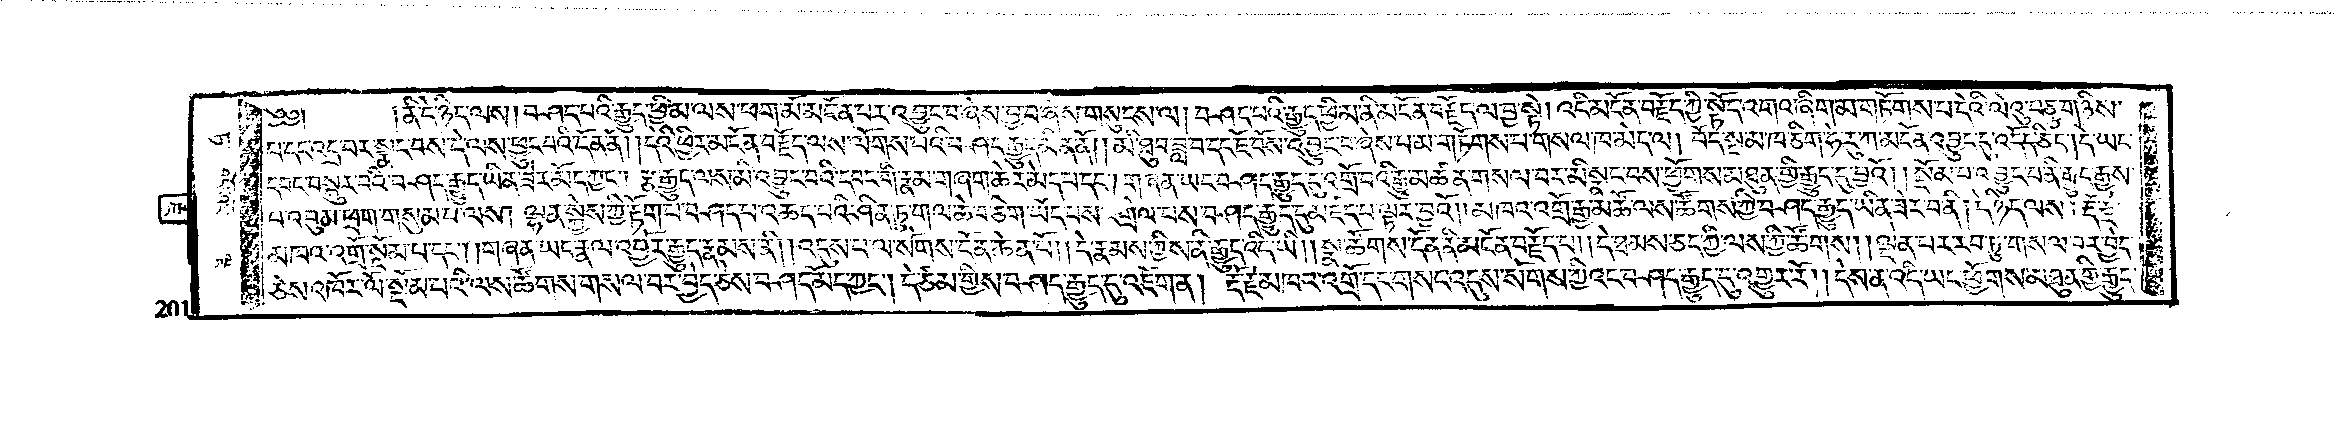༄༅། །ནི་དེ་ཉིད་ལས། བཤད་པའི་རྒྱུད་ཕྱི་མ་ལས་ཕག་མོ་མངོན་པར་འབྱུང་བ་ཞེས་བྱ་བ་ཞེས་གསུངས་ལ། བཤད་པའི་རྒྱུད་ཕྱི་མ་ནི་མངོན་བརྗོད་ལ་བྱ་སྟེ། འདི་མངོན་བརྗོད་ཀྱི་སྟོད་འགའ་ཞིག་མ་གཏོགས་པ་དེའི་ལེའུ་བཅུ་གཉིས་
པ་དང་འདྲ་བར་སྣང་བས་དེ་ལས་ཕྱུང་བའི་དོན་ནོ། །དེའི་ཕྱིར་མངོན་བརྗོད་ལས་ལོགས་པའི་བཤད་རྒྱུད་མིན་ནོ། །མི་ཐུབ་ཟླ་བ་དང་ཇོ་བོས་འབྱུང་བ་ཞེས་པ་མ་གཏོགས་པ་གསལ་ཁ་མེད་ལ། བོད་སྔ་མ་ཁ་ཅིག་ཧེ་རུ་ཀ་མངོན་འབྱུང་དུ་འདོད་ཅིང་། དེ་ཡང་
དབང་བསྐུར་བའི་བཤད་རྒྱུད་ཡིན་ཟེར་མོད་ཀྱང་། རྩ་རྒྱུད་ལས་མི་འབྱུང་བའི་དབང་གི་རྣམ་གཞག་ཆེར་མེད་པ་དང་། གཞན་ཡང་བཤད་རྒྱུད་དུ་འགྲོ་བའི་རྒྱུ་མཚན་གསལ་བར་མི་སྣང་བས་ཕྱོགས་མཐུན་གྱི་རྒྱུད་དུ་བྱའོ། །སྡོམ་པ་འབྱུང་བ་ནི་རྒྱུད་རྒྱས་
པ་འབུམ་ཕྲག་གསུམ་པ་ལས། ལྷན་སྐྱེས་ཀྱི་རྟོག་པ་བཤད་པ་འཆད་པའི་ཤིན་ཏུ་གལ་ཆེ་བ་ཅིག་ཡོད་པས་འགྲེལ་པས་བཤད་རྒྱུད་དུ་མཛད་པ་ལྟར་བྱའོ། །མཁའ་འགྲོ་རྒྱ་མཚོ་ལས་ཚོགས་ཀྱི་བཤད་རྒྱུད་ཡིན་ཟེར་བ་ནི། དེ་ཉིད་ལས། རྡོ་རྗེ་
མཁའ་འགྲོ་སྡོམ་པ་དང་། །གཞན་ཡང་རྣལ་འབྱོར་རྒྱུད་རྣམས་ནི། །འདུས་པ་ལ་སོགས་དོན་ཆེན་པོ། །དེ་རྣམས་ཀྱིས་ནི་རྒྱུད་འདི་ཡི། །སྣ་ཚོགས་དོན་ནི་མངོན་བརྗོད་པ། །དེ་ཐམས་ཅད་ཀྱི་ལས་ཀྱི་ཚོགས། །ལྡན་པར་རབ་ཏུ་གསལ་བར་བྱེད། །
ཅེས་འཁོར་ལོ་སྡོམ་པའི་ལས་ཚོགས་གསལ་བར་བྱེད་ཅེས་བཤད་མོད་ཀྱང་། དེ་ཙམ་གྱིས་བཤད་རྒྱུད་དུ་འཇོག་ན། རྡོ་རྗེ་མཁའ་འགྲོ་དང་གསང་འདུས་སོགས་ཀྱིའང་བཤད་རྒྱུད་དུ་འགྱུར་རོ། །དེས་ན་འདི་ཡང་ཕྱོགས་མཐུན་གྱི་རྒྱུད་